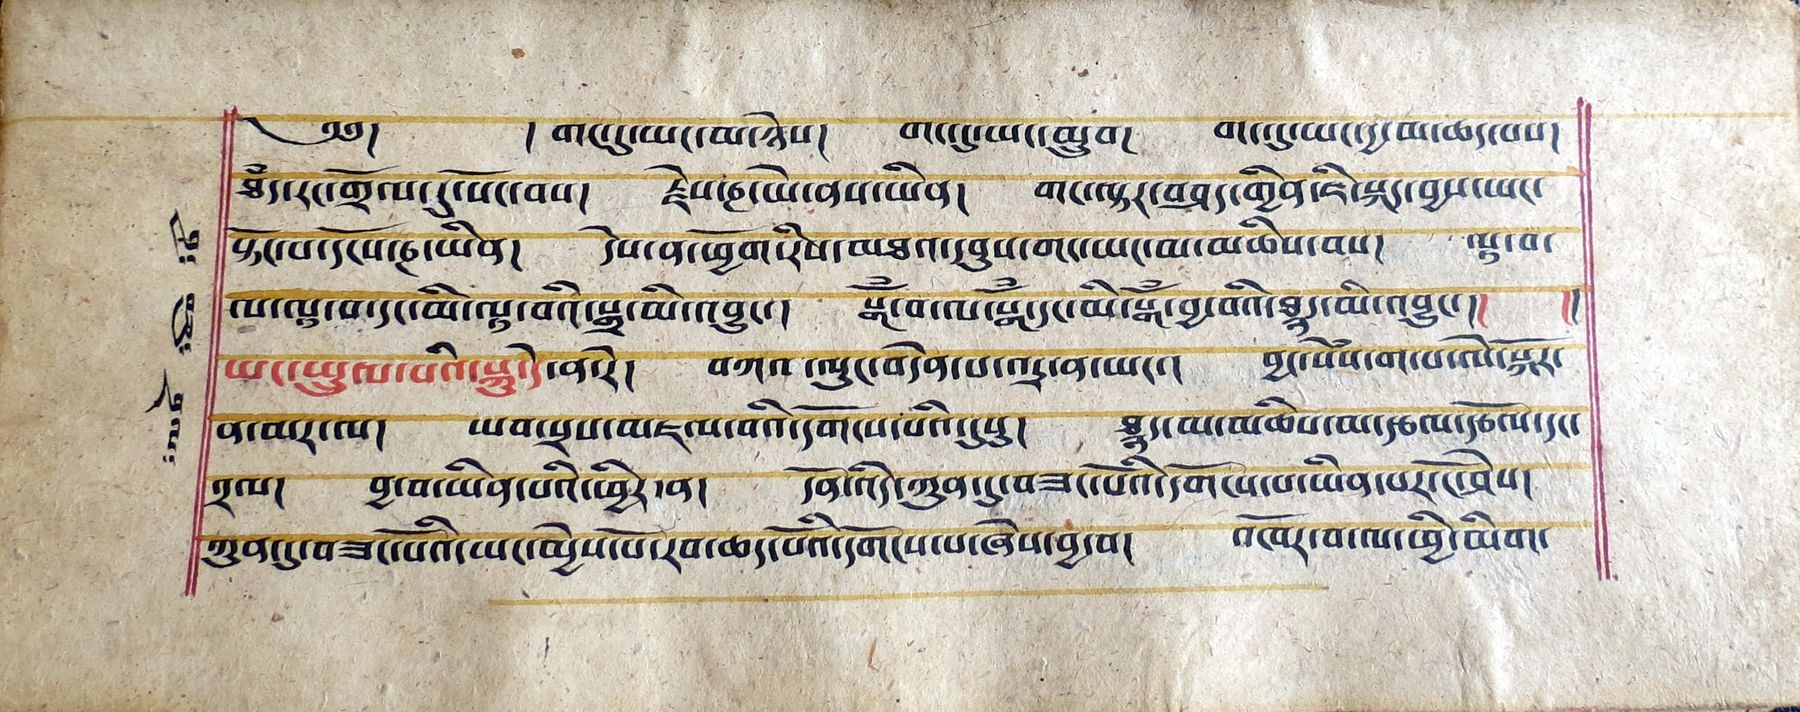གང་དུ་ཡང་མ་ངེས། གང་དུ་ཡང་མ་གྲུབ། གང་དུ་ཡང་རྒྱ་མ་ཆད་པས་
ཐམས་ཅད་རང་གྲོལ་དུ་སོང་བས། རྗེས་མེད་ཡེ་ནས་ཡིན། གང་ལྟར་བཤད་ཀྱིན། ཇི་ལྟར་བྱས་ཀྱང་
སྟོང་པ་དངོས་མེད་ཡིན། དེས་ན་ཕྱོགས་རིས་མཐའ་དབུས་གང་ཡང་མ་མཆིས་པས། ལྟ་བ་
ལ། ལྟ་བ་དང་མི་ལྟ་བ་བྱ་བའི་སྒྲ་མི་འབྱུང་། སྒོམ་པ་ལ། སྒོམ་པ་དང་མི་སྒོམ་པ་བྱ་བའི་ཐ་སྙད་མི་འབྱུང་། 
སྤྲུལ་པའི་སྐུ་དེས་ན་རེ་བཀའ་ལུང་བདེན་པ་འདྲ་ན་ཡང་། བྱང་སེམས་གབ་པ་དགུ་བསྐོར་
ན་མར་ལ། ཡབ་སྲས་གཉིས་མཇལ་བའི་དགོངས་པའི་དུས་སུ། ཐ་སྙད་མ་མཆིས་མ་བཙལ་རྩོལ་དང་
བྲལ་བྱ་བ་ཡིན་པའི་ཕྱིར་ན། དོན་འདི་ཀུན་ཏུ་བཟང་པོའི་དགོངས་པ་ཡིན་ངོ་ཤེས། 
ཀུན་ཏུ་བཟང་པོའི་ཡང་མེས་པོ། རབས་ཆད་པོའི་དགོངས་པ་ཞེས་བྱ་བ་འཁོར་བ་ལ་ཕྱི་མིག་